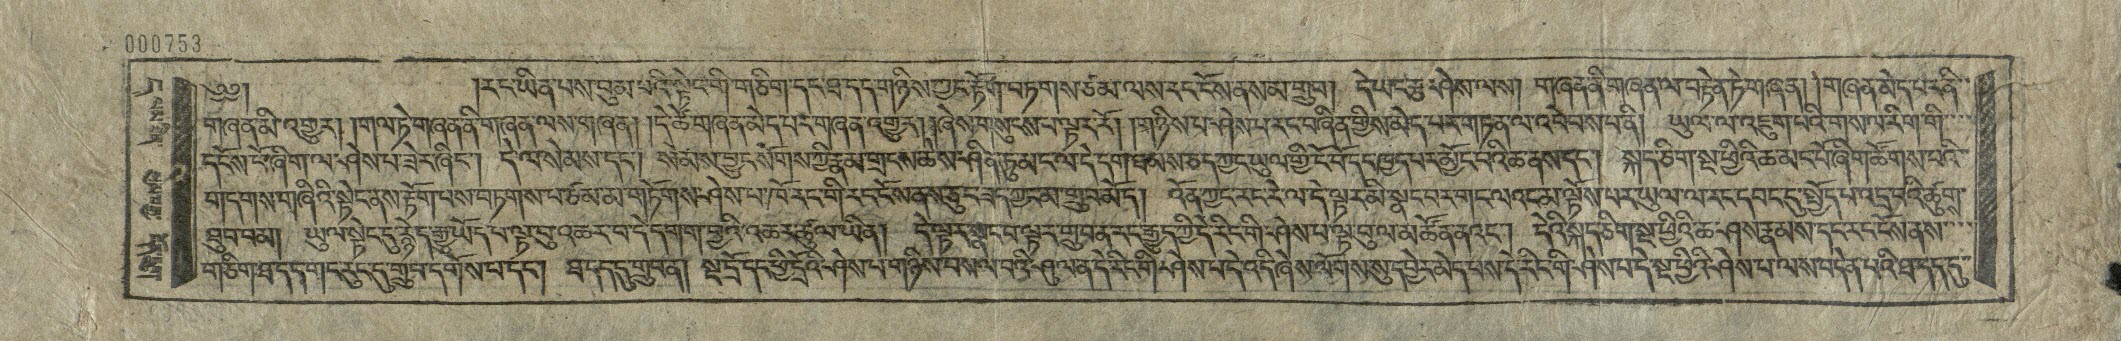༄༅། །རང་ཡིན་པས་བུམ་པའི་སྟེང་གི་གཅིག་དང་ཐ་དད་གཉིས་ཀྱང་རྟོག་བཏགས་ཙམ་ལས་རང་ངོས་ནས་མ་གྲུབ། དེ་ཡང་རྩ་ཤེས་ལས། གཞན་ནི་གཞན་ལ་བརྟེན་ཏེ་གཞན། །གཞན་མེད་པར་ནི་
གཞན་མི་འགྱུར། །གལ་ཏེ་གཞན་ནི་གཞན་ལས་གཞན། །དེ་ཚེ་གཞན་མེད་པར་གཞན་འགྱུར། །ཞེས་གསུངས་པ་ལྟར་རོ། །གཉིས་པ་ཤེས་པ་རང་བཞིན་གྱིས་མེད་པར་གཏན་ལ་འབེབས་པ་ནི། ཡུལ་ལ་འཇུག་པའི་གསལ་རིག་གི་
དངོས་པོ་ཞིག་ལ་ཤེས་པ་ཟེར་ཞིང་། དེ་ལ་སེམས་དང་། སེམས་བྱུང་སོགས་ཀྱི་རྣམ་གྲངས་ཆེས་ཤིན་ཏུ་མང་ལ་དེ་དག་ཐམས་ཅད་ཀྱང་ཡུལ་གྱི་ངོ་བོ་དང་ཁྱད་པར་མྱོང་བའི་ཆ་ནས་དང་། སྐད་ཅིག་སྔ་ཕྱིའི་ཆ་མང་པོ་ཞིག་ཚོགས་པའི་
གདགས་གཞིའི་སྟེང་ནས་རྟོག་པས་བཏགས་པ་ཙམ་མ་གཏོགས་ཤེས་པ་ཁོ་རང་གི་རང་ངོས་ནས་ཅུང་ཟད་ཀྱང་མ་གྲུབ་མོད། འོན་ཀྱང་རང་རེ་ལ་དེ་ལྟར་མི་སྣང་བར་གང་ལའང་མ་ལྟོས་པར་ཡུལ་ལ་རང་དབང་དུ་སྤྱོད་པ་འདྲ་བའི་ཚུགས་
ཐུབ་བམ། ཡུལ་སྟེང་དུ་རྙེད་རྒྱུ་ཡོད་པ་ལྟ་བུ་འཆར་བ་དེ་དགག་བྱའི་འཆར་ཚུལ་ཡིན། དེ་ལྟར་སྣང་བ་ལྟར་གྲུབ་ན་རང་རྒྱུད་ཀྱི་དེ་རིང་གི་ཤེས་པ་ལྟ་བུ་ལ་མཚོན་ནའང་། དེའི་སྐད་ཅིག་སྔ་ཕྱིའི་ཆ་ཤས་རྣམས་དང་རང་ངོས་ནས་
གཅིག་ཐ་དད་གང་རུང་དུ་གྲུབ་དགོས་པ་དང་། ཐ་དད་དུ་གྲུབ་ན། སྔ་དྲོ་དང་ཕྱི་དྲོའི་ཤེས་པ་གཉིས་བསལ་བའི་ཤུལ་ན་དེ་རིང་གི་ཤེས་པ་དེ་འདི་ཞེས་ལོགས་སུ་དབྱེར་མེད་པས་དེ་རིང་གི་ཤེས་པ་དེ་སྔ་ཕྱིའི་ཤེས་པ་ལས་བདེན་པའི་ཐ་དད་དུ་